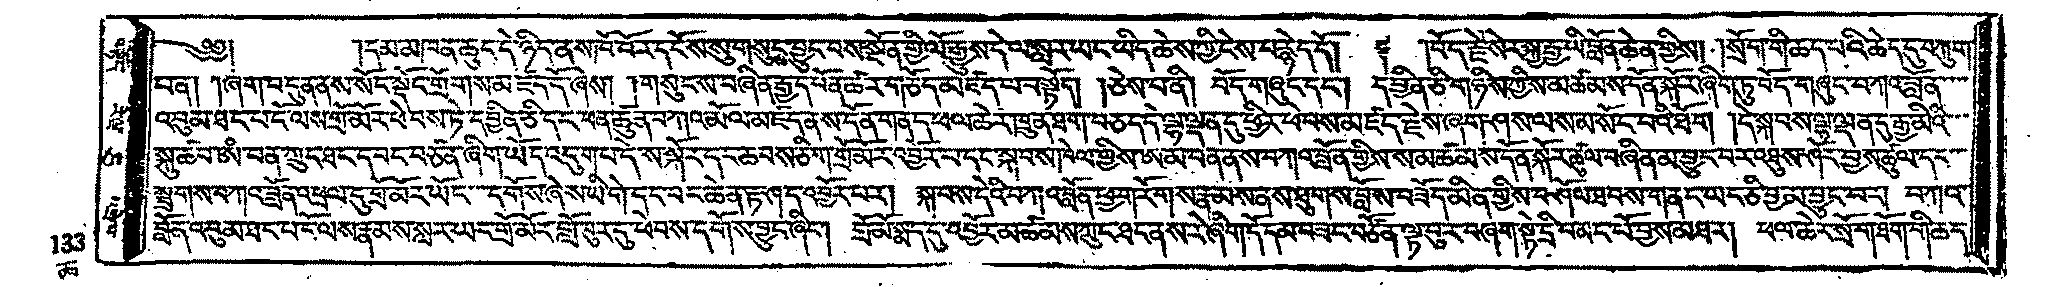༄༅། །དམ་མཁན་ཆུང་དེ་ཉིད་ནས་ཁོ་བོར་དངོས་སུ་གསུངས་བྱུང་བས་སྔོན་གྱི་ལོ་རྒྱུས་དེ་ལ་སླར་ཡང་ཡིད་ཆེས་ཀྱི་ངེས་པ་རྙེད་དོ། ༈ །བོད་རྗེ་སེར་སྐྱ་རྒྱ་ཡི་བློན་ཆེན་གྱིས། །སྲོག་གི་ཆད་པའི་ཆེད་དུ་བཀུག་
པ་ན། །ཞག་བདུན་ནས་སོང་སྡོང་གྲོགས་མཛད་དོ་ཞེས། །གསུངས་བཞིན་རྒྱ་དཔོན་ཚར་གཅོད་མཛད་ལ་བསྟོད། །ཅེས་པ་ནི། བོད་གཞུང་དང་། དབྱིན་ཅི་གཉིས་ཀྱིས་མཚམས་དོན་སྐོར་ཞིག་ཏུ་བོད་གཞུང་བཀའ་བློན་
འབུམ་ཐང་པ་ངོ་ལས་གྲོ་མོར་ཕེབས་ཏེ་དབྱིན་ཅི་དང་ཕན་ཚུན་བཀའ་མོལ་མཛད་ནས་དོན་གནད་ཕལ་ཆེར་ཁྲུན་ཐག་བཅད་དེ་ལྷ་ལྡན་དུ་ཕྱིར་ཕེབས་མཛད་རྗེས་ཞག་ཤས་ལས་མ་སོང་བའི་ཐོག །དེ་སྐབས་ལྷ་ལྡན་དུ་རྒྱ་མིའི་
སྐུ་ཚབ་ཨཾ་བན་ཀྲུང་ཐང་དབང་བཙན་ཞིག་ཡོད་འདུག་པ་དེ་ས་སྐོར་དང་ཆབས་ཅིག་གྲོ་མོར་འབྱོར་པ་དང་སྐབས་ཁེལ་གྱིས་ཨམ་བན་ནས་བཀའ་བློན་གྱིས་ས་མཚམས་དོན་སྐོར་ཚུལ་བཞིན་མ་བྱུང་བར་འཐུས་ཤོར་བྱས་ཚུལ་དང་
སྦྲགས་བཀའ་བློན་འཕྲལ་དུ་གྲོ་མོར་ཡོང་དགོས་ཞེས་ཡི་གེ་དང་བང་ཆེན་རྟ་ཤད་འབྱོར་པར། སྐབས་དེའི་བཀའ་བློན་ཕྱག་རོགས་རྣམས་ནས་ཐུགས་བློས་བཟོད་མིན་གྱིས་བཤོལ་ཐབས་གནང་ཡང་ཅི་བྱ་མ་བྱུང་བར། བཀའ་
བློན་འབུམ་ཐང་པ་ངོ་ལས་རྣམས་སླར་ཡང་གྲོ་མོར་གློ་བུར་དུ་ཕེབས་དགོས་བྱུང་ཞིང་། གྲོ་མོ་སྨད་དུ་འབྱོར་མཚམས་ཀྲུང་ཐང་ནས་རེ་ཞིག་དོ་དམ་བཟང་བཙོན་ལྟ་བུར་བཞག་སྟེ་དྲི་བ་མང་པོ་བྱས་མཐར། ཕལ་ཆེར་སྲོག་ཐོག་གི་ཆད་